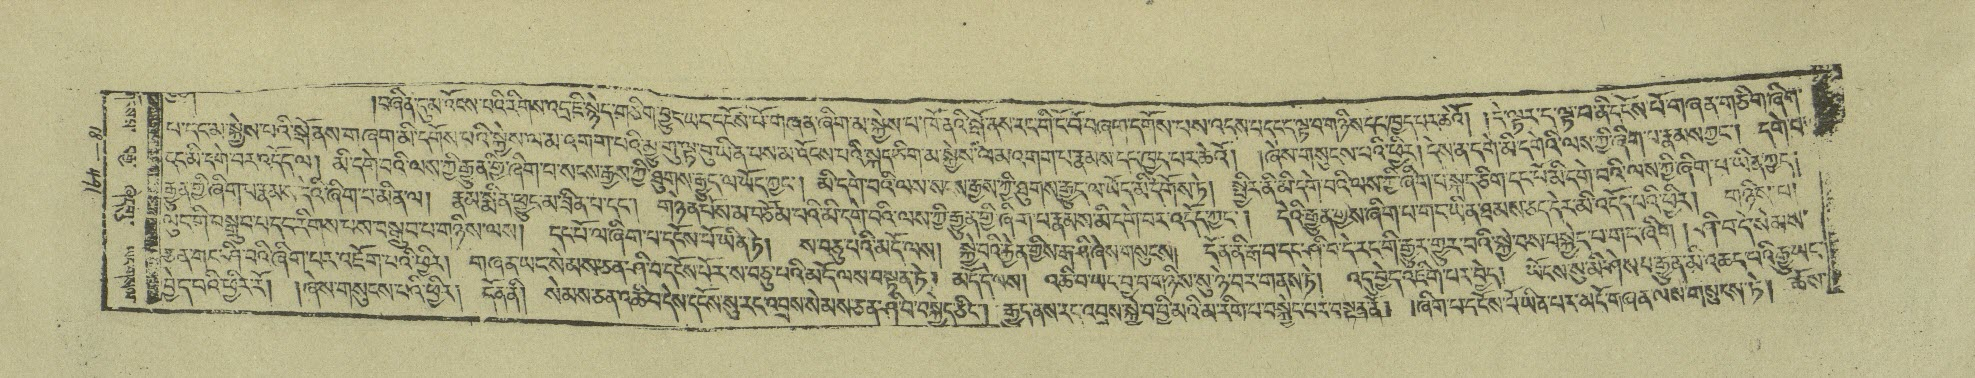༄༅། །བཞིན་དུ་མ་འོངས་བའི་རིགས་འདྲ་ཇི་སྙེད་གཅིག་བྱུང་ཡང་དངོས་པོ་གཞན་ཞིག་མ་སྐྱེས་པ་ཁོ་ནའི་སྒོ་ནས་རང་གི་ངོ་བོ་བཞག་དགོས་པས་འདས་པ་དང་ད་ལྟ་བ་གཉིས་དང་ཁྱད་པར་ཆེའོ། །དེ་ལྟར་ད་ལྟ་བ་ནི་དངོས་པོ་གཞན་གཅིག་ཞིག་
པ་དང་མ་སྐྱེས་པའི་སྒོ་ནས་གཞག་མི་དགོས་པའི་སྐྱེས་ལ་མ་འགག་པའི་མྱུ་གུ་ལྟ་བུ་ཡིན་པས་མ་འོངས་པའི་སྐད་ཅིག་མ་སྐྱེས་ལ་མ་འགག་པ་རྣམས་དང་ཁྱད་པར་ཆེའོ། །ཞེས་གསུངས་པའི་ཕྱིར། དེས་ན་དགེ་མི་དགེའི་ལས་ཀྱི་ཞིག་པ་རྣམས་ཀྱང་། དགེ་བ་
དང་མི་དགེ་བར་འདོད་ལ། མི་དགེ་བའི་ལས་ཀྱི་རྒྱུན་གྱི་ཞིག་པ་སངས་རྒྱས་ཀྱི་ཐུགས་རྒྱུད་ལ་ཡོད་ཀྱང་། མི་དགེ་བའི་ལས་སངས་རྒྱས་ཀྱི་ཐུགས་རྒྱུད་ལ་ཡོད་མི་དགོས་ཏེ། སྤྱིར་ནི་མི་དགེ་བའི་ལས་ཀྱི་ཞིག་པ་སྐད་ཅིག་དང་པོ་མི་དགེ་བའི་ལས་ཀྱི་ཞིག་པ་ཡིན་ཀྱང་།
རྒྱུན་གྱི་ཞིག་པ་རྣམས་དེའི་ཞིག་པ་མིན་ལ། རྣམ་སྨིན་ཕྱུང་མ་ཟིན་པ་དང་། གཉེན་པོས་མ་བཅོམ་པའི་མི་དགེ་བའི་ལས་ཀྱི་རྒྱུན་གྱི་ཞིག་པ་རྣམས་མི་དགེ་བར་འདོད་ཀྱང་། དེའི་རྒྱུན་གྱིས་ཞིག་པ་གང་ཡིན་ཐམས་ཅད་དེར་མི་འདོད་པའི་ཕྱིར། གཉིས་པ་
ལུང་གི་བསྒྲུབ་པ་དང་རིགས་པས་བསྒྲུབ་པ་གཉིས་ལས། དང་པོ་ལ་ཞིག་པ་དངོས་པོ་ཡིན་ཏེ། ས་བཅུ་པའི་མདོ་ལས། སྐྱེ་བའི་རྐྱེན་གྱིས་རྒ་ཤི་ཞེས་གསུངས། དོན་ནི་རྒ་བ་དང་ཤི་བ་དེ་རང་གི་རྒྱུར་གྱུར་པའི་སྐྱེ་བས་བསྐྱེད་པ་གང་ཞིག །ཤི་བ་དེ་སེམས་
ཅན་གང་ཤི་བའི་ཞིག་པར་འཇོག་པའི་ཕྱིར། གཞན་ཡང་སེམས་ཅན་ཤི་བ་དངོས་པོར་ས་བཅུ་པའི་མདོ་ལས་བསྟན་ཏེ། མདོ་དེ་ལས། འཆི་བ་ཡང་བྱ་བ་གཉིས་སུ་ཉེ་བར་གནས་ཏེ། འདུ་བྱེད་འཇིག་པར་བྱེད། ཡོངས་སུ་མི་ཤེས་པ་རྒྱུན་མི་འཆད་པའི་རྒྱུ་ཡང་
བྱེད་པའི་ཕྱིར་རོ། །ཞེས་གསུངས་པའི་ཕྱིར། དོན་ནི། སེམས་ཅན་འཆི་བ་དེས་དངོས་སུ་རང་འབྲས་སེམས་ཅན་ཤི་བ་བསྐྱེད་ཅིང་། རྒྱུད་ནས་རང་འབྲས་སྐྱེ་བ་བྱི་མའི་མ་རིག་པ་བསྐྱེད་པར་བསྟན་ནོ། །ཞིག་པ་དངོས་པོ་ཡིན་པར་མདོ་གཞན་ལས་གསུངས་ཏེ། ཆོས་